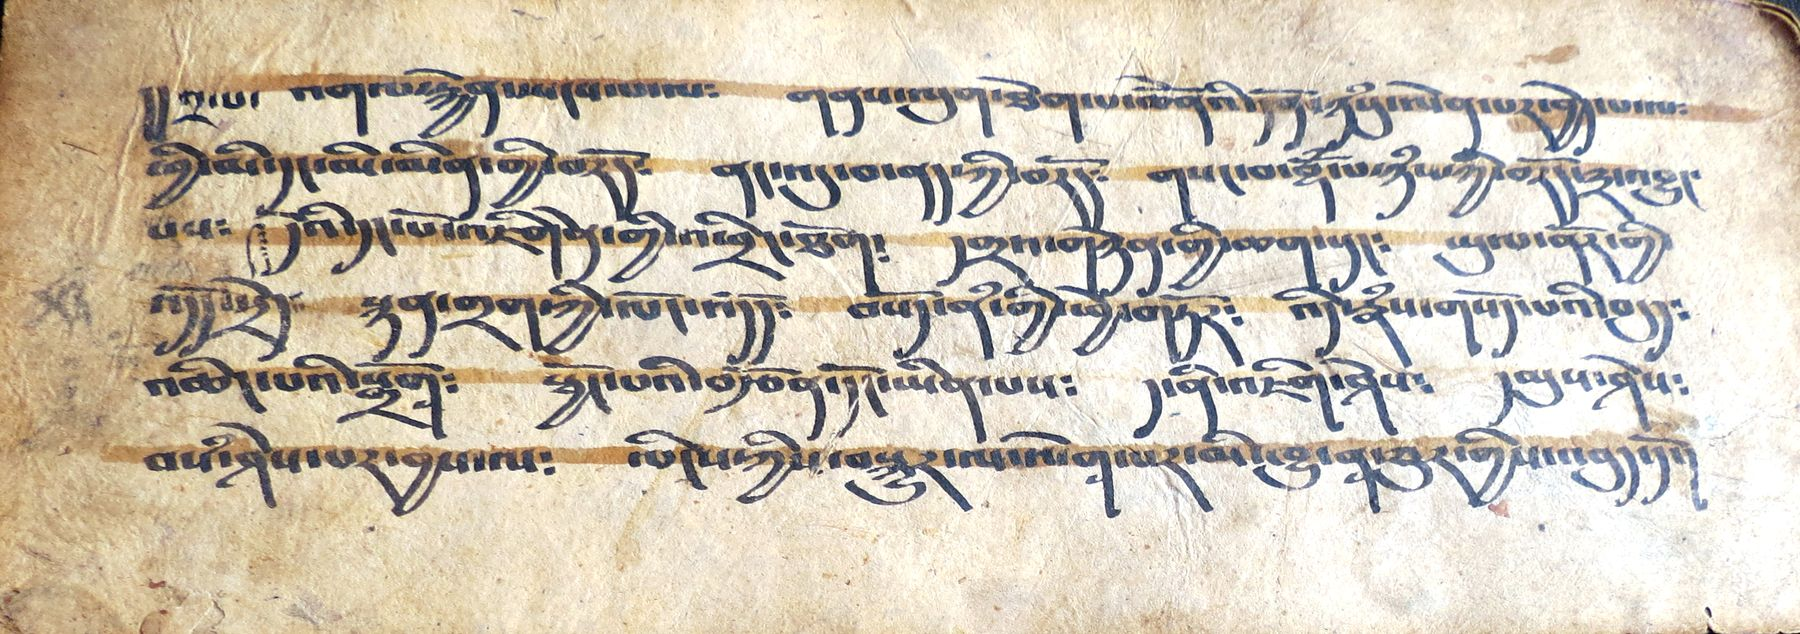གཉིས་པ་འགལ་རྐྱེན་སྤང་བ་ལ། གནས་ལུགས་ཐེག་པ་ཆེན་པོའི་དོན་ཉམས་སུ་ལེན་པར་བྱེད་པ་ལ། 
ཕྱི་མི་དང་མི་མིན་གྱི་བར་ཆོད། ནང་འདུ་བ་ནད་ཀྱི་བར་ཆོད། གསང་བ་སྒོམ་པ་ཉམས་ཀྱི་བར་ཆོད་དང་གསུམ་འབྱུང་
བའི། དེའི་དང་པོ་འཇིག་རྟེན་གྱི་འཕྲེང་ཐོག དགྲ་གཉེན་གྱི་ཆགས་སྡང་། ཡུལ་ནོར་གྱི་
འདོད་སྲེད། སྙན་གྲགས་ཀྱི་ལོ་འདོད། བསོད་ནམས་ཀྱི་ཕྱེ་གཏོར། འདི་རྣམས་གསོད་པ་ཡི་བདུད། 
འཆིང་བའི་སྒྲོགས། སྦྱོང་བའི་བཙོན་དོང་ཡིན་པས། ད་ནི་འཇིགས་ཤེས། དམུས་ཤེས། 
བསམ་ཤེས་པར་བྱས་ལ། ལིངས་ཀྱིས་སྐྱུར་ལ་ལེགས་པར་མི་ཁྱུ་ནས་ཅུར་གྱིས་འབུད་དོ། །